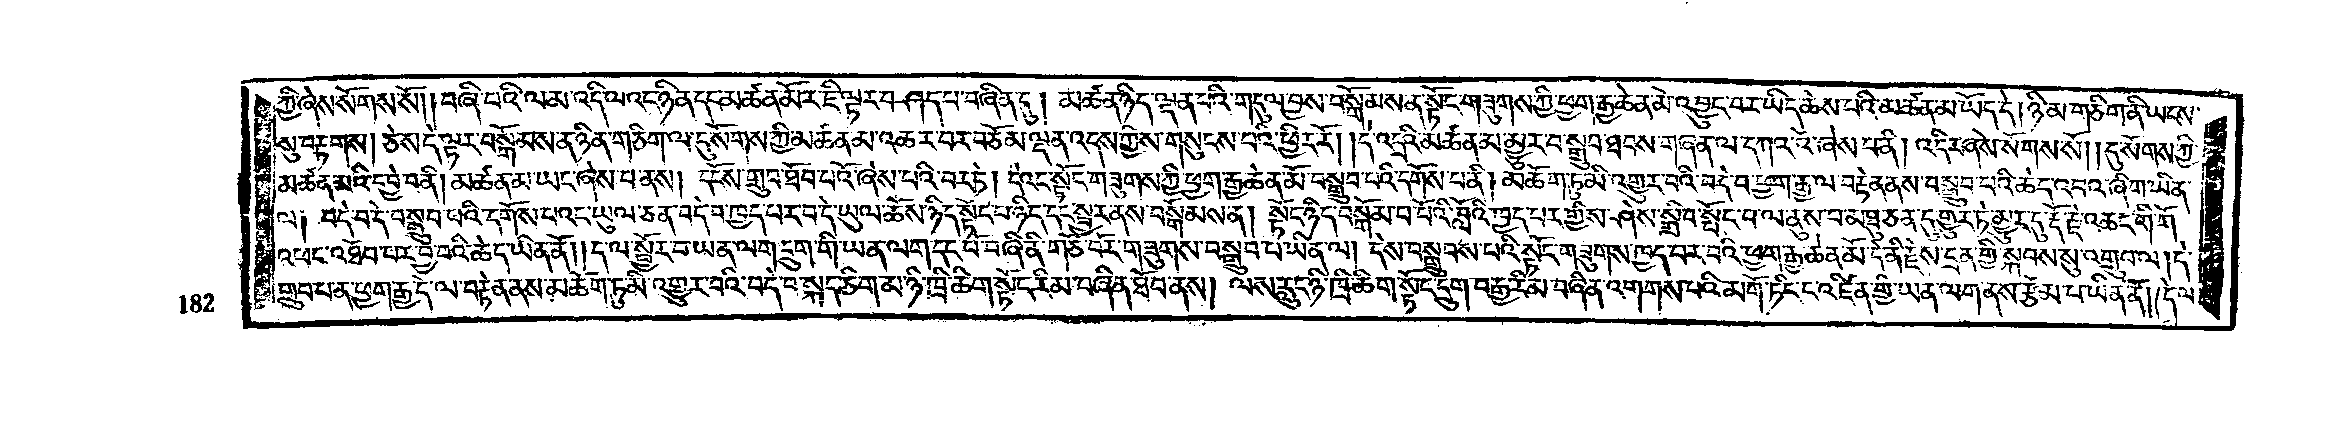ཀྱི་ཞེས་སོགས་སོ། །བཞི་པའི་ལམ་འདི་ལའང་ཉིན་དང་མཚན་མོར་ཇི་ལྟར་བཤད་པ་བཞིན་དུ། མཚན་ཉིད་ལྡན་པའི་གདུལ་བྱས་བསྒོམས་ན་སྟོང་གཟུགས་ཀྱི་ཕྱག་རྒྱ་ཆེན་མོ་འབྱུང་བར་ཡིད་ཆེས་པའི་མཚན་མ་ཡོད་དེ། ཉི་མ་གཅིག་ནི་ཡོངས་
སུ་བརྟགས། ཅེས་དེ་ལྟར་བསྒོམས་ན་ཉིན་གཅིག་ལ་དུ་སོགས་ཀྱི་མཚན་མ་འཆར་བར་བཅོམ་ལྡན་འདས་ཀྱིས་གསུངས་པའི་ཕྱིར་རོ། །དེ་འདྲའི་མཚན་མ་མྱུར་བ་སྒྲུབ་ཐབས་གཞན་ལ་དཀའ་འོ་ཞེས་པ་ནི། འདིར་ཞེས་སོགས་སོ། །དུ་སོགས་ཀྱི་
མཚན་མའི་དབྱེ་བ་ནི། མཚན་མ་ཡང་ཞེས་པ་ནས། དངོས་གྲུབ་ཐོབ་པའོ་ཞེས་པའི་བར་ཏེ། དེའང་སྟོང་གཟུགས་ཀྱི་ཕྱག་རྒྱ་ཆེན་མོ་བསྒྲུབ་པའི་དགོས་པ་ནི། མཆོག་ཏུ་མི་འགྱུར་བའི་བདེ་བ་ཕྱག་རྒྱ་ལ་བརྟེན་ནས་བསྒྲུབ་པའི་ཆེད་འབའ་ཞིག་ཡིན་
ལ། བདེ་བ་དེ་བསྒྲུབ་པའི་དགོས་པའང་ཡུལ་ཅན་བདེ་བ་ཁྱད་པར་བ་དེ་ཡུལ་ཆོས་ཉིད་སྟོང་པ་ཉིད་དང་སྦྱར་ནས་བསྒོམས་ན། སྟོང་ཉིད་བསྒོམ་པ་པོའི་བློའི་ཁྱད་པར་གྱིས་ཤེས་སྒྲིབ་སྤོང་བ་ལ་ནུས་པ་མཐུ་ཅན་དུ་གྱུར་ཏེ་མྱུར་དུ་རྡོ་རྗེ་འཆང་གི་གོ་
འཕང་འཐོབ་པར་བྱ་བའི་ཆེད་ཡིན་ནོ། །དེ་ལ་སྦྱོར་བ་ཡན་ལག་དྲུག་གི་ཡན་ལག་དང་པོ་བཞི་ནི་གཙོ་བོར་གཟུགས་བསྒྲུབ་པ་ཡིན་ལ། དེས་བསྒྲུབས་པའི་སྟོང་གཟུགས་ཁྱད་པར་བའི་ཕྱག་རྒྱ་ཆེན་མོ་དེ་ནི་རྗེས་དྲན་གྱི་སྐབས་སུ་འགྲུབ་ལ། དེ་
གྲུབ་པ་ན་ཕྱག་རྒྱ་དེ་ལ་བརྟེན་ནས་མཆོག་ཏུ་མི་འགྱུར་བའི་བདེ་བ་སྐད་ཅིག་མ་ཉི་ཁྲི་ཆིག་སྟོང་རིམ་བཞིན་ཐོབ་ནས། ལས་རླུང་ཉི་ཁྲི་ཆིག་སྟོང་དྲུག་བརྒྱ་རིམ་བཞིན་འགགས་པའི་མགོ་ཏིང་ངེ་འཛིན་གྱི་ཡན་ལག་ནས་རྩོམ་པ་ཡིན་ནོ། །དེ་ལ་